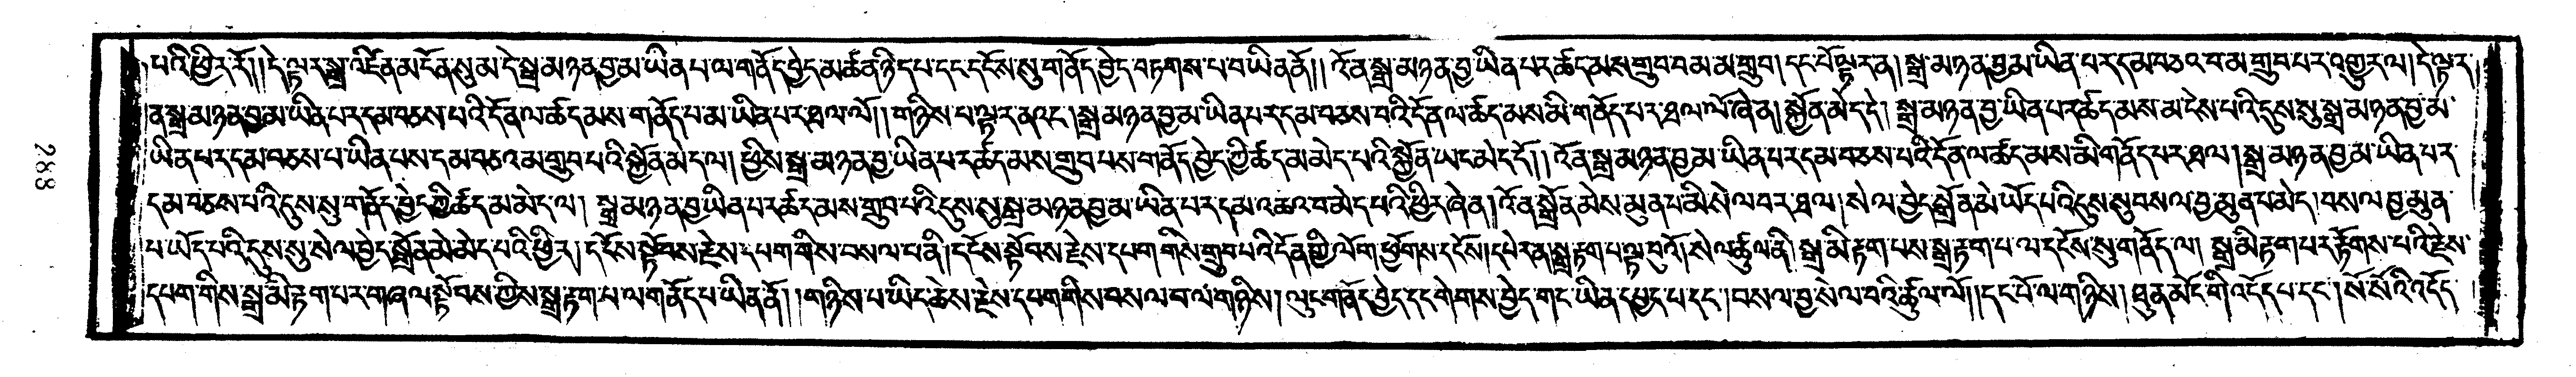པའི་ཕྱིར་རོ། །དེ་ལྟར་སྒྲ་འཛིན་མངོན་སུམ་དེ་སྒྲ་མཉན་བྱ་མ་ཡིན་པ་ལ་གནོད་བྱེད་མཚན་ཉིད་པ་དང་དངོས་སུ་གནོད་བྱེད་བཏགས་པ་བ་ཡིན་ནོ། །འོ་ན་སྒྲ་མཉན་བྱ་ཡིན་པར་ཚད་མས་གྲུབ་བམ་མ་གྲུབ། དང་པོ་ལྟར་ན། སྒྲ་མཉན་བྱ་མ་ཡིན་པར་དམ་བཅའ་བ་མ་གྲུབ་པར་འགྱུར་ལ། དེ་ལྟར་
ན་སྒྲ་མཉན་བྱ་མ་ཡིན་པར་དམ་བཅས་པའི་དོན་ལ་ཚད་མས་གནོད་པ་མ་ཡིན་པར་ཐལ་ལོ། །གཉིས་པ་ལྟར་ནའང་། སྒྲ་མཉན་བྱ་མ་ཡིན་པར་དམ་བཅས་པའི་དོན་ལ་ཚད་མས་མི་གནོད་པར་ཐལ་ལོ་ཞེ་ན། སྐྱོན་མེད་དེ། སྒྲ་མཉན་བྱ་ཡིན་པར་ཚད་མས་མ་ངེས་པའི་དུས་སུ་སྒྲ་མཉན་བྱ་མ་
ཡིན་པར་དམ་བཅས་པ་ཡིན་པས་དམ་བཅའ་མ་གྲུབ་པའི་སྐྱོན་མེད་ལ། ཕྱིས་སྒྲ་མཉན་བྱ་ཡིན་པར་ཚད་མས་གྲུབ་པས་གནོད་བྱེད་ཀྱི་ཚད་མ་མེད་པའི་སྐྱོན་ཡང་མེད་དོ། །འོ་ན་སྒྲ་མཉན་བྱ་མ་ཡིན་པར་དམ་བཅས་པའི་དོན་ལ་ཚད་མས་མི་གནོད་པར་ཐལ། སྒྲ་མཉན་བྱ་མ་ཡིན་པར་
དམ་བཅས་པའི་དུས་སུ་གནོད་བྱེད་ཀྱི་ཚད་མ་མེད་ལ། སྒྲ་མཉན་བྱ་ཡིན་པར་ཚད་མས་གྲུབ་པའི་དུས་སུ་སྒྲ་མཉན་བྱ་མ་ཡིན་པར་དམ་འཆའ་བ་མེད་པའི་ཕྱིར་ཞེ་ན། འོ་ན་སྒྲོན་མེས་མུན་པ་མི་སེལ་བར་ཐལ། སེལ་བྱེད་སྒྲོན་མེ་ཡོད་པའི་དུས་སུ་བསལ་བྱ་མུན་པ་མེད། བསལ་བྱ་མུན་
པ་ཡོད་པའི་དུས་སུ་སེལ་བྱེད་སྒྲོན་མེ་མེད་པའི་ཕྱིར། དངོས་སྟོབས་རྗེས་དཔག་གིས་བསལ་བ་ནི། དངོས་སྟོབས་རྗེས་དཔག་གིས་གྲུབ་པའི་དོན་གྱི་ལོག་ཕྱོགས་དངོས། དཔེར་ན། སྒྲ་རྟག་པ་ལྟ་བུའོ། །སེལ་ཚུལ་ནི། སྒྲ་མི་རྟག་པས་སྒྲ་རྟག་པ་ལ་དངོས་སུ་གནོད་ལ། སྒྲ་མི་རྟག་པར་རྟོགས་པའི་རྗེས་
དཔག་གིས་སྒྲ་མི་རྟག་པར་གཞལ་སྟོབས་ཀྱིས་སྒྲ་རྟག་པ་ལ་གནོད་པ་ཡིན་ནོ། །གཉིས་པ་ཡིད་ཆེས་རྗེས་དཔག་གིས་བསལ་བ་ལ་གཉིས། ལུང་གནོད་བྱེད་དང་གེགས་བྱེད་གང་ཡིན་དཔྱད་པ་དང་། བསལ་བྱ་སེལ་བའི་ཚུལ་ལོ། །དང་པོ་ལ་གཉིས། ཐུན་མོང་གི་འདོད་པ་དང་། སོ་སོའི་འདོད་